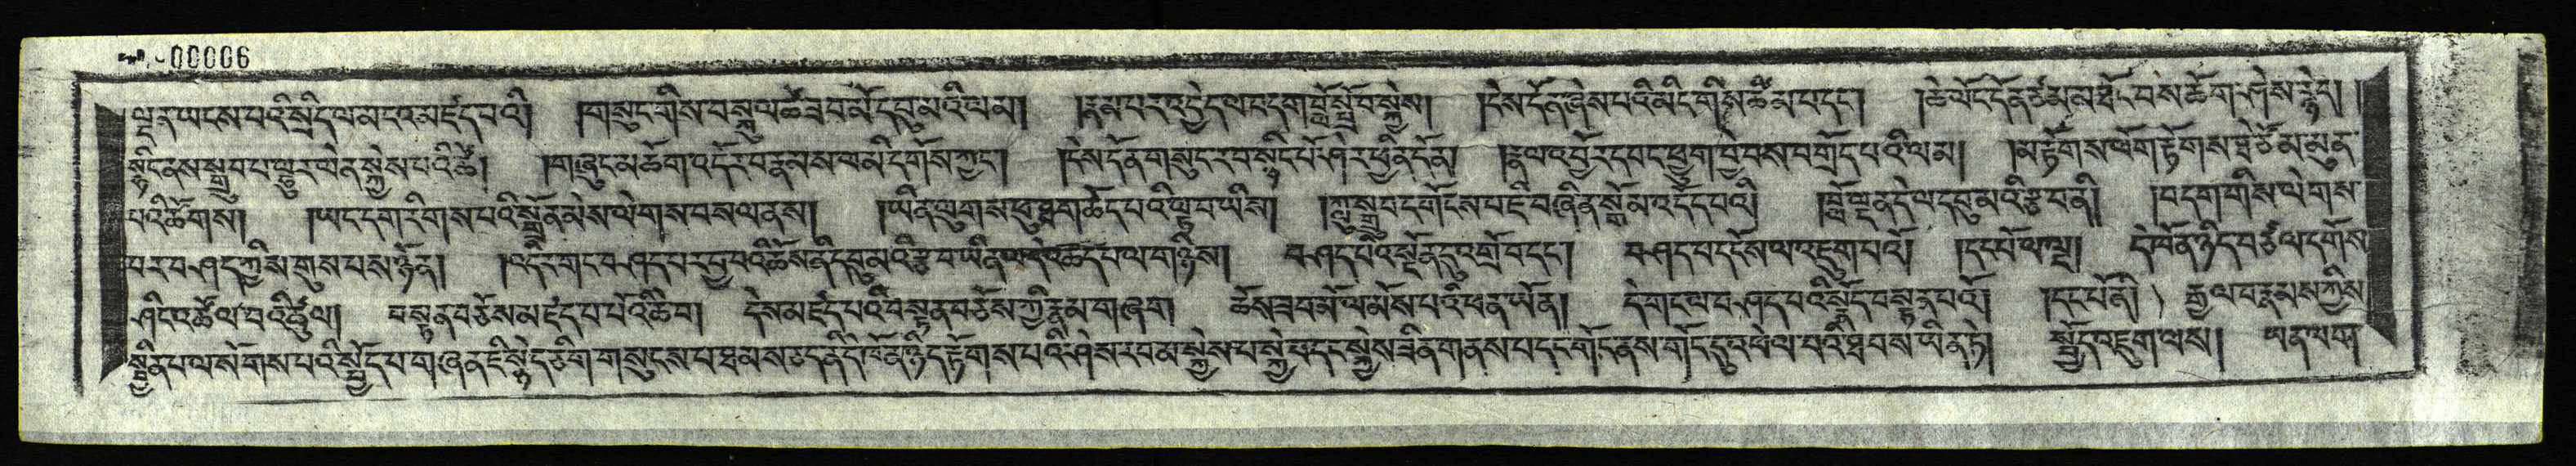ལྡན་ཡངས་བའི་སྲིད་ལ་མངའ་མཛད་པའི། །གསུང་གིས་བསྐུལ་ཚེ་ཟབ་མོ་དབུ་མའི་ལམ། །རྣམ་པར་འབྱེད་ལ་བདག་བློ་སྤྲོ་བ་སྐྱེས། །ངེས་དོན་ཞེས་པའི་མིང་གིས་ཚིམ་པ་དང་། །ཆེ་ལོང་དོན་ཙམ་མཐོང་བས་ཆོག་ཤེས་རྙེད། །
སྙིང་ནས་སྒྲུབ་པ་ལྷུར་ལེན་སྐྱེས་པའི་ཚེ། །གཞུང་མཆོག་འདོར་བ་རྣམས་ལ་མི་དགོས་ཀྱང་། །ངེས་དོན་གསུང་རབ་སྙིང་པོ་ཤེར་ཕྱིན་དོན། །རྣལ་འབྱོར་དབང་ཕྱུག་བྱེ་བས་བགྲོད་པའི་ལམ། །མ་རྟོགས་ལོག་རྟོགས་ཐེ་ཙོམ་མུན་
བའི་ཚོགས། །ཡང་དག་རིགས་པའི་སྒྲོན་མེས་ལེགས་བསལ་ནས། །ཡིན་ལུགས་ཕུ་ཐག་ཆོད་པའི་ལྟ་བ་ཡིས། །ཀླུ་སྒྲུབ་དགོངས་པ་ཇི་བཞིན་སྒོམ་འདོད་པའི། །བློ་ལྡན་དེ་ལ་དབུ་མའི་རྩ་བ་ནི། །བདག་གིས་ལེགས་
པར་བཤད་ཀྱིས་གུས་པས་ཉོན། །འདིར་གང་བཤད་པར་བྱ་བའི་ཆོས་ནི་དབུ་མའི་རྩ་བ་ཡིན་ལ་དེ་འཆད་པ་ལ་གཉིས། བཤད་པའི་སྔོན་དུ་འགྲོ་བ་དང་། བཤད་པ་དངོས་ལ་འཇུག་པའོ། །དང་པོ་ལ་ལྔ། དེ་ཁོ་ན་ཉིད་བཙལ་དགོས་
ཤིང་འཚོལ་བའི་ཚུལ། བསྟན་བཅོས་མཛད་པ་པོའི་ཆེ་བ། དེས་མཛད་པའི་བསྟན་བཅོས་ཀྱི་རྣམ་གཞག་ཆོས་ཟབ་མོ་ལ་མོས་པའི་ཕན་ཡོན། དེ་གང་ལ་བཤད་པའི་སྣོད་བསྟན་པའོ། །དང་པོ་ནི། རྒྱལ་བ་རྣམས་ཀྱིས་
སྦྱིན་པ་ལ་སོགས་པའི་སྤྱོད་པ་གཞན་ཇི་སྙེད་ཅིག་གསུངས་པ་ཐམས་ཅད་ནི་དེ་ཁོ་ན་ཉིད་རྟོགས་པའི་ཤེས་རབ་མ་སྐྱེས་པ་སྐྱེ་བ་དང་སྐྱེས་ཟིན་གནས་པ་དང་གོང་ནས་གོང་དུ་འཕེལ་བའི་ཐབས་ཡིན་ཏེ། སྤྱོད་འཇུག་ལས། ཡན་ལག་